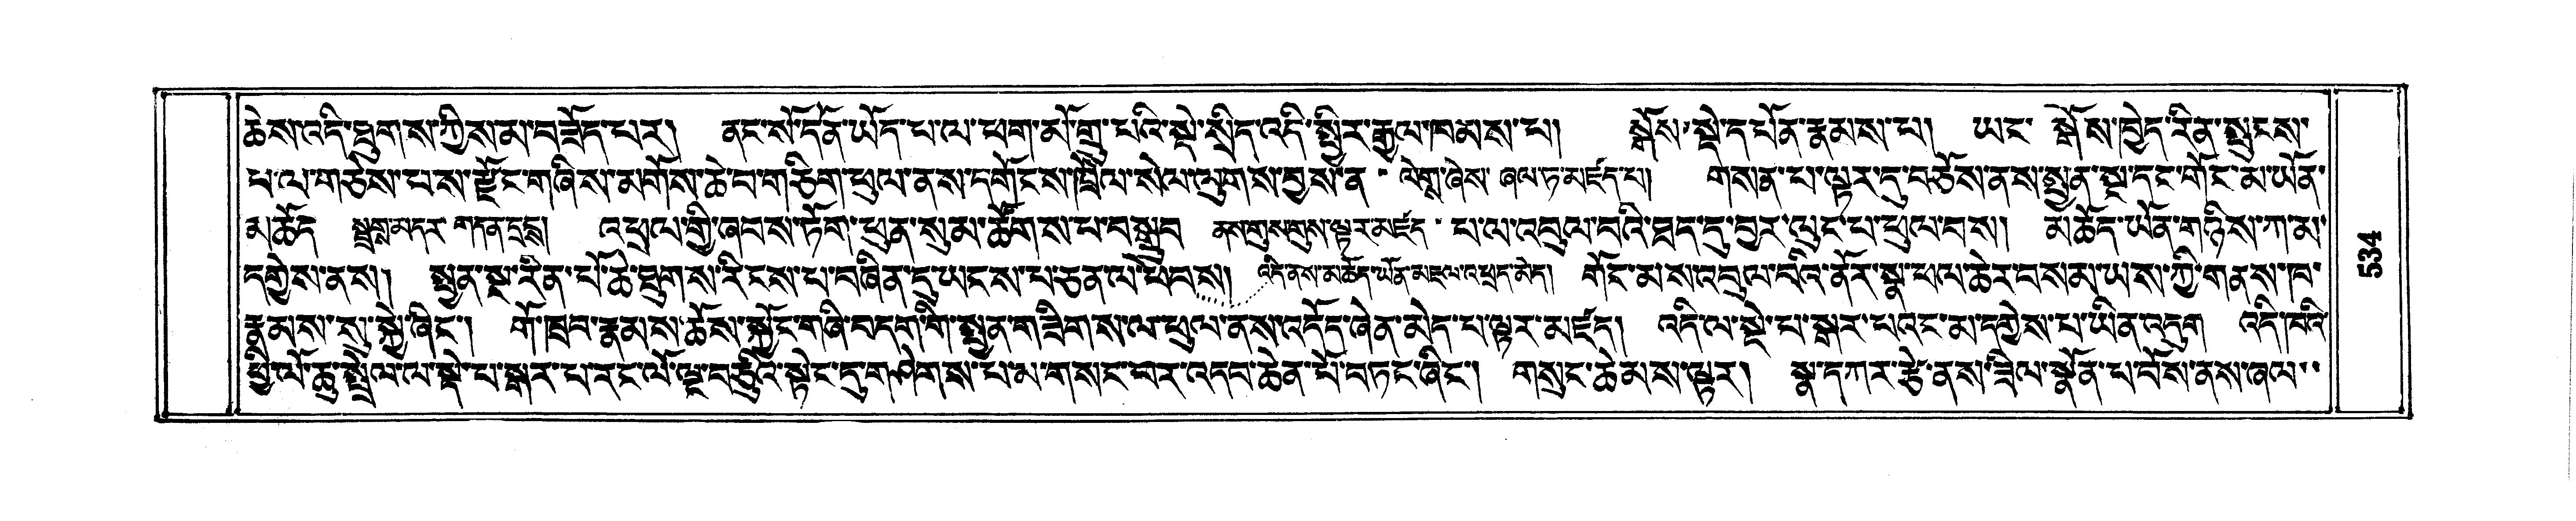ཆེས་འདི་ཐུགས་ཀྱིས་མ་བཟོད་པར། ནང་སོ་དོན་ཡོད་པ་ལ་ཕག་མོ་གྲུ་པའི་སྡེ་སྲིད་འདི་སྤྱིར་རྒྱལ་ཁམས་པ། སྒོས་སྡེ་དཔོན་རྣམས་པ། ཡང་སྒོས་ཁྱེད་རིན་སྤུངས་
པ་ལ་གཅེས་པས་རྫོང་གཞིས་མགོས་ཆེ་བ་གཅིག་ཕུལ་ནས་དགོངས་ཁྲོལ་སེལ་ལུགས་བྱས་ན་ལེགས་ཞེས་ཞལ་ཏ་མཛད་པ།  གསན་པ་ལྟར་དུ་བཅོས་ནས་སྤྱན་སྔ་དང་གོང་མ་ཡོན་
མཆོད་སྦྲགས་མདར་གདན་དྲངས།  འཕྲལ་གྱི་ཞབས་ཏོག་ཕུན་སུམ་ཚོགས་པ་བསྒྲུབ་ནས་གུས་གུས་ལྟར་མཛད་པ་ལ་འབུལ་བའི་ཐད་དུ་བྱར་ལུང་པ་ཕུལ་བས། མཆོད་ཡོན་གཉིས་ཀ་མ་
དགྱེས་ནས། སྤྱན་སྔ་རིན་པོ་ཆེ་ཐུགས་རིངས་པ་བཞིན་དུ་ཡངས་པ་ཅན་ལ་ཕེབས། འདི་ནས་མཆོད་ཡོན་མཇལ་འཕྲད་མེད།  གོང་མས་འབུལ་བའི་ནོར་སྣ་ཕལ་ཆེར་བསམ་ཡས་ཀྱི་གནས་ཁ་
རྣམས་སུ་སྐྱེ་ཞིང་། གོ་ཁྲབ་རྣམས་ཆོས་སྐྱོང་གཞི་བདག་གི་སྤྱན་གཟིགས་ལ་ཕུལ་ནས་འདོད་ཞེན་མེད་པ་ལྟར་མཛད། འདི་ལ་སྡེ་པ་སྒར་པའང་མ་དགྱེས་པ་ཡིན་འདུག་འདི་ཁའི་
ཕྱི་ལོ་ཆུ་སྤྲེལ་ལ་སྡེ་པ་སྒར་པ་རང་ལོ་ལྔ་བཅུའི་སྟེང་དུ་གཤེགས་པ་མ་གསང་བར་འདབ་ཆེན་པོ་བཏང་ཞིང་། གསུང་ཆེམས་ལྟར། སྣ་དཀར་རྩེ་ནས་ཟིལ་སྣོན་པ་བོས་ནས་ཞལ་